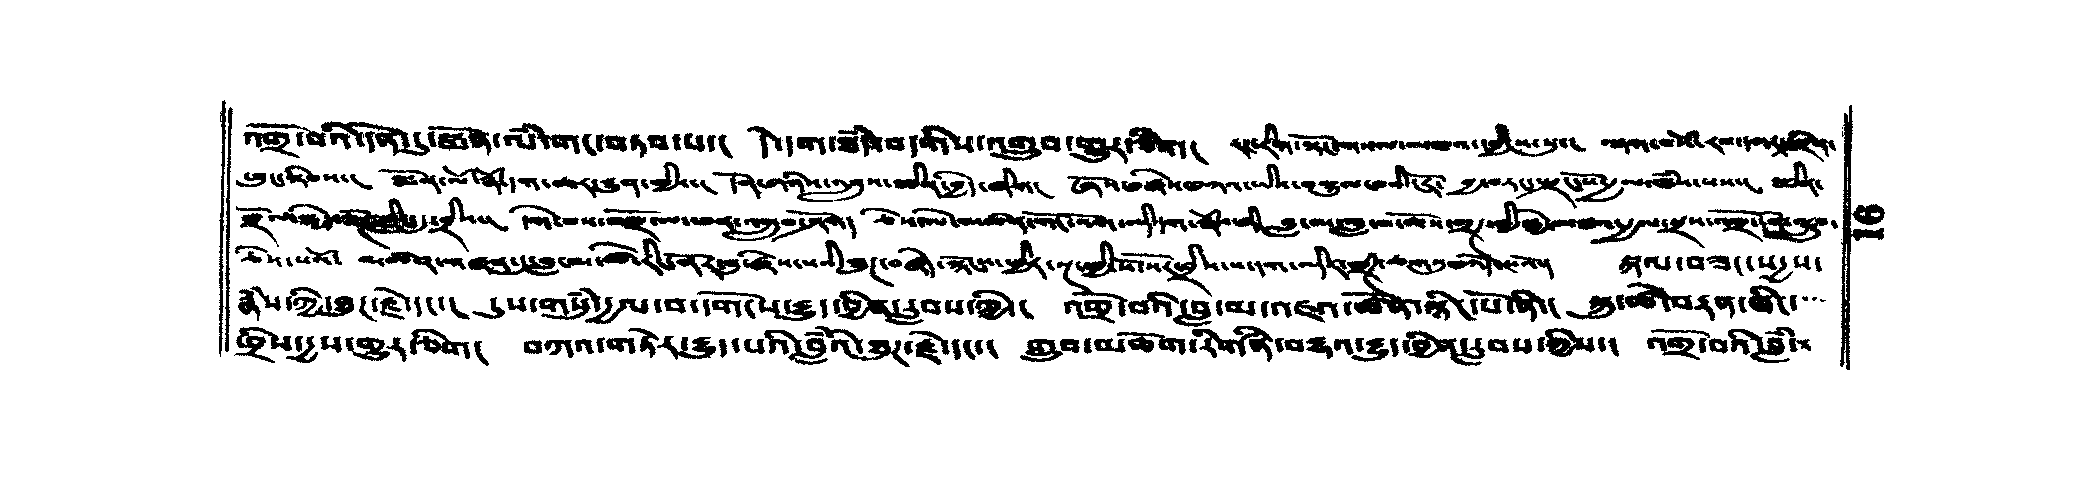།འགྲོ་བའི་དོན་དུ་སྨོན་ལམ་གང་བཏབ་པ། །དེ་དག་ཐམས་ཅད་བདག་གིས་འགྲུབ་གྱུར་ཅིག། ། རང་རིག་སྟོང་གསལ་མཁའ་དབྱིངས་སུ། །ལྷག་བསམ་རབ་དཀར་སྤྲིན་
ཕུང་སྟིབས། །སྨོན་ལམ་རྣམ་དག་ཆར་རྒྱུན་གྱིས། །དོན་གཉིས་འབྲས་བུ་སྨིན་བྱེད་ཅིག །དགོས་ཞེས་བཀའ་ཡིས་བསྐུལ་བའི་ངོར། །བྱ་བཏང་སྤྲང་པོ་རྒྱལ་ཁམས་པས། །སྨིན་
གྲོལ་བསྐྱེད་རྫོགས་གླིང་དུ་བྲིས། །དགེ་བས་འགྲོ་ལ་ཕན་འགྲུབ་ཤོག །ཅེས་ལེ་མཚན་གོང་འོག་འདི་དག་རྣམས་ནི། བླ་མ་ཟླ་བ་ཆོས་གྲགས་ཀྱི་སྐྱེ་མཐའ་རྒྱལ་སྲས་འགྲོ་དོན་ལྷུན་གྲུབ་
ཅེས་པའམ། མཚན་གཞན་དུ་བླ་མ་ཚེ་རིང་ནོར་བུ་ཞེས་པའི་ཐུགས་བཞེད་སྐོང་ཕྱིར་སྔ་ཕྱི་སོ་སོར་བྲིས་པ་དག་འདིར་གྲིགས་ཆགས་སུ་བཀོད་པའོ།། སྐལ་བཟང་སངས་རྒྱས་
རྣམས་ཀྱི་ཐུགས་རྗེ་དང་། །དུས་གསུམ་རྒྱལ་བ་དགོངས་རྒྱུད་བྱིན་རླབས་ཀྱི། །འགྲོ་བའི་བླ་མ་འཇའ་ཚོན་སྙིང་པོ་ནི། །སྐུ་ཚེ་བརྟན་ཞིང་
ཕྲིན་ལས་རྒྱས་གྱུར་ཅིག །བཀའ་གཏེར་རྒྱུད་པའི་བླ་མའི་ཐུགས་རྗེ་དང་། །གྲུབ་མཆོག་རིག་འཛིན་བརྡ་རྒྱུད་བྱིན་རླབས་ཀྱིས། །འགྲོ་བའི་བླ་མ༴